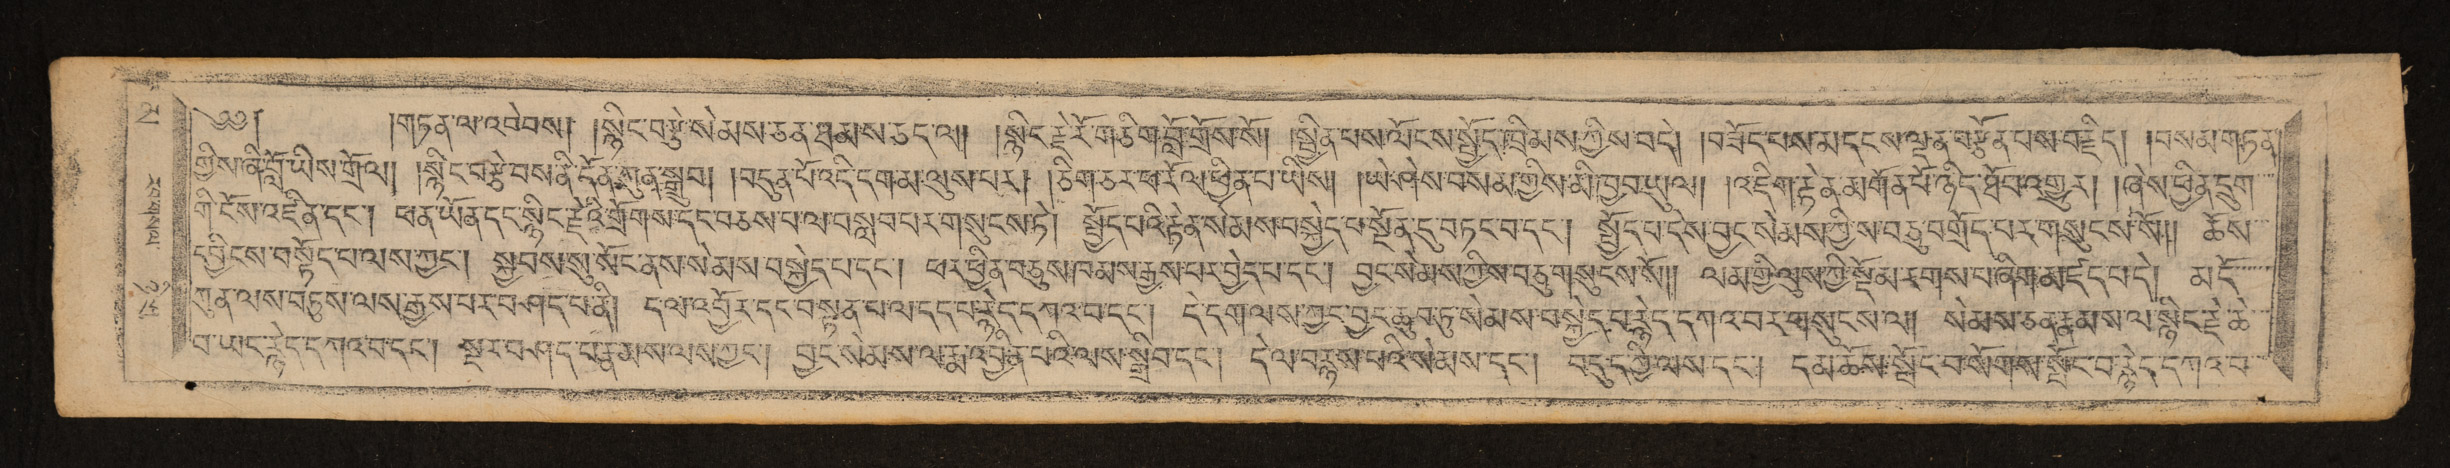༄༅། །གཏན་ལ་འབེབས། །སྙིང་བརྩེ་སེམས་ཅན་ཐམས་ཅད་ལ། །སྙིང་རྗེ་རོ་གཅིག་བློ་གྲོས་སོ། །སྦྱིན་པས་ལོངས་སྤྱོད་ཁྲིམས་ཀྱིས་བདེ། །བཟོད་པས་མདངས་ལྡན་བརྩོན་པས་བརྗིད། །བསམ་གཏན་
གྱིས་ཞི་བློ་ཡིས་གྲོལ། །སྙིང་བརྩེ་བས་ནི་དོན་ཀུན་སྒྲུབ། །བདུན་པོ་འདི་དག་མ་ལུས་པར། །ཅིག་ཅར་ཕ་རོལ་ཕྱིན་པ་ཡིས། །ཡེ་ཤེས་བསམ་གྱིས་མི་ཁྱབ་ཡུལ། །འཇིག་རྟེན་མགོན་པོ་ཉིད་ཐོབ་འགྱུར། །ཞེས་ཕྱིན་དྲུག་
གི་ངོས་འཛིན་དང་། །ཕན་ཡོན་དང་སྙིང་རྗེའི་གྲོགས་དང་བཅས་པ་ལ་བསླབ་པར་གསུངས་ཏེ། སྤྱོད་པའི་རྟེན་སེམས་བསྐྱེད་པ་སྔོན་དུ་བཏང་བ་དང་། སྤྱོད་པ་དེས་བྱང་སེམས་ཀྱི་ས་བཅུ་བགྲོད་པར་གསུངས་སོ།། ཆོས་
དབྱིངས་བསྟོད་པ་ལས་ཀྱང་། སྐྱབས་སུ་སོང་ནས་སེམས་བསྐྱེད་པ་དང་། ཕར་ཕྱིན་བཅུས་ཁམས་རྒྱས་པར་བྱེད་པ་དང་། བྱང་སེམས་ཀྱི་ས་བཅུ་གསུངས་སོ།། ལམ་གྱི་ལུས་ཀྱི་སྡོམ་རགས་པ་ཞིག་མཛད་པ་དེ། མདོ་
ཀུན་ལས་བཏུས་ལས་རྒྱས་པར་བཤད་པ་ནི། དལ་འབྱོར་དང་བསྟན་པ་ལ་དད་པ་རྙེད་དཀའ་བ་དང་། དེ་དག་ལས་ཀྱང་བྱང་ཆུབ་ཏུ་སེམས་བསྐྱེད་པ་རྙེད་དཀའ་བར་གསུངས་ལ། སེམས་ཅན་རྣམས་ལ་སྙིང་རྗེ་ཆེ་
བ་ཡང་རྙེད་དཀའ་བ་དང་། སྔར་བཤད་པ་རྣམས་ལས་ཀྱང་། བྱང་སེམས་ལ་རྨ་འབྱིན་པའི་ལས་སྒྲིབ་དང་། དེ་ལ་བརྙས་པའི་སེམས་དང་། བདུད་ཀྱི་ལས་དང་། དམ་ཆོས་སྤོང་བ་སོགས་སྤོང་བ་རྙེད་དཀའ་བ་